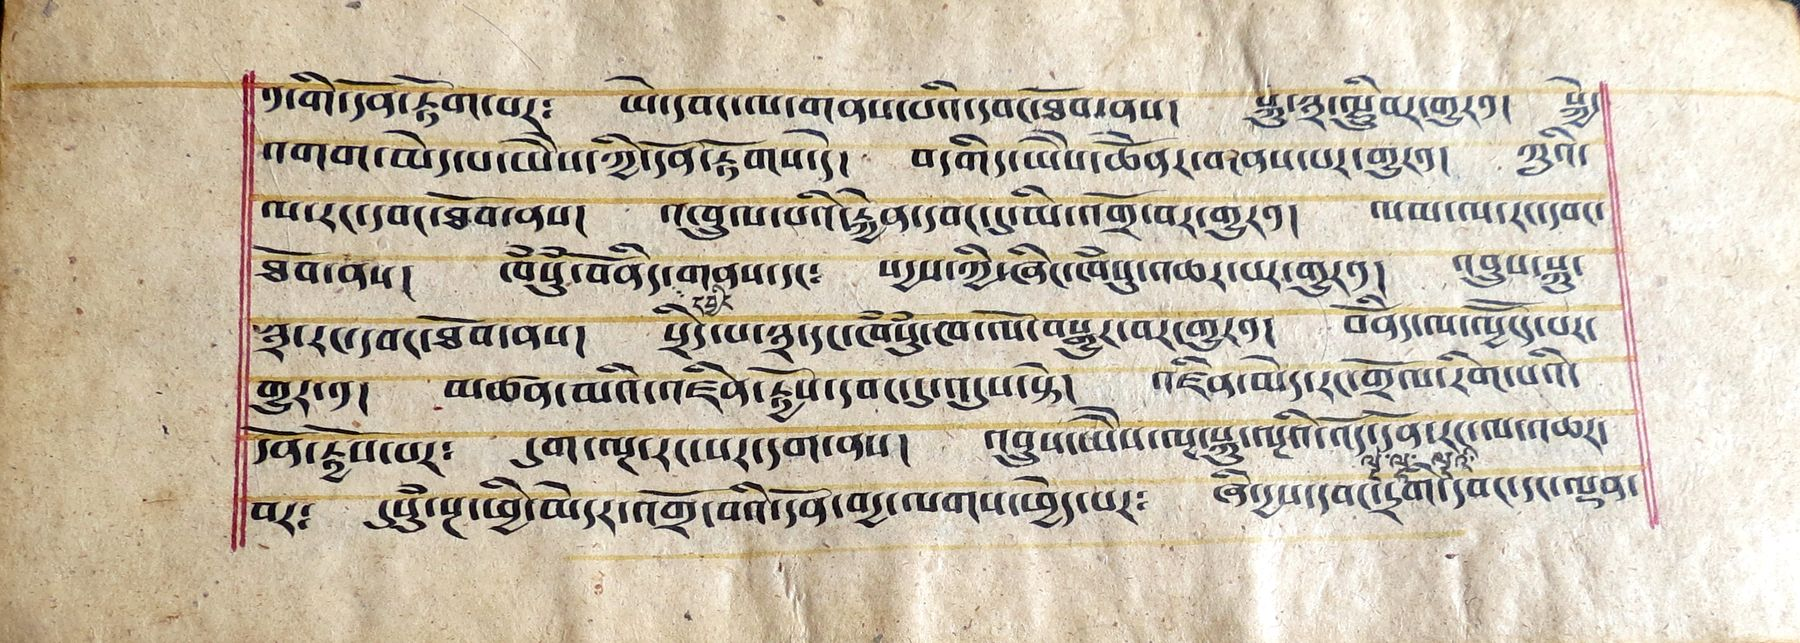གཅིག་གི་དོན་རྟོགས་པར་གྱུར་ཅིག ཡེ་དབང་ལ་གནས་པའི་དབང་ཐོབ་ནས། .སྐུ་གསུམ་ལྷུན་གྱིས་གྲུབ་པར་གྱུར་ཅིག སྐྱེ་
འགག་མེད་པ་ཡེ་ཤེས་ཀྱི་དོན་རྟོགས་ཏེ། བདག་ཉིད་ཡེ་ཤེས་ཆེན་པོར་གནས་པར་གྱུར་ཅིག ཀུན་གཞི་
ལ་རང་དབང་ཐོབ་ནས། འཁྲུལ་པའི་རྐྱེན་དབང་དུ་མི་འགྲོ་བར་གྱུར་ཅིག ལམ་ལ་རང་དབང་
ཐོབ་ནས། ཁམས་གསུམ་བོད་ཉིད་དབྱིངས་གནས་དང་། སངས་རྒྱས་ཀྱི་ཞིང་ཁམས་སུ་འཆར་བར་གྱུར་ཅིག འབྲས་བུ་སྐུ་
གསུམ་རང་དབང་ཐོབ་ནས། སྲིད་པ་གསུམ་དང་ཁམས་གསུམ་ཁ་ལོ་བསྒྱུར་བར་གྱུར་ཅིག བོན་ཉིད་ལ་ལོངས་སྤྱོད་པར་
གྱུར་ཅིག མཚན་མའི་འཛིན་རྟོག་དབང་དུ་འདུས་ཏེ། འཛིན་མེད་རང་གྲོལ་རིག་པའི་
དོན་རྟོགས་པར་གྱུར་ཅིག དུག་ལྔ་རང་སར་དག་ནས། འབྲས་བུ་ཡེ་ཤེས་ལྔ་སྐུ་ལྔའི་འོད་ལྔ་ལ་དོན་ལྔའི་རང་ལ་འཆར་
བར་གྱུར་ཅིག དུས་གསུམ་སྔ་ཕྱི་མེད་པར་འགྲོ་བའི་དོན་རྒྱ་ལག་ཕྱད་པར་གྱུར་ཅིག ཞི་རྒྱས་དབང་དྲག་དབང་དང་ལྡན་